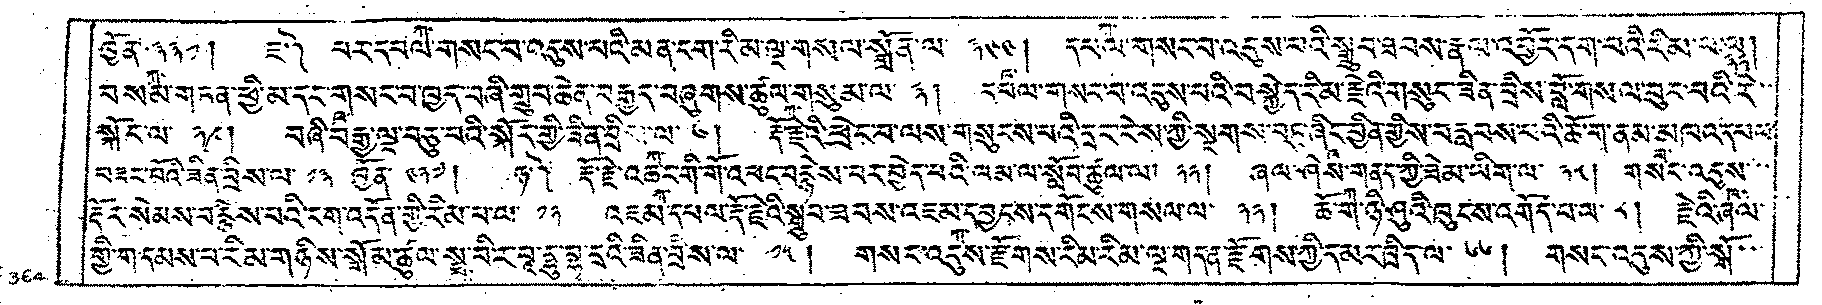ཁྱོན ༣༣༡། ཇ}་ཀ་པར་དཔལ་གསང་བ་འདུས་པའི་མན་ངག་རིམ་ལྔ་གསལ་སྒྲོན་ལ ༣༤༤། ཀ་དཔལ་གསང་བ་འདུས་པའི་སྒྲུབ་ཐབས་རྣལ་འབྱོར་དག་པའི་རིམ་པ་ལ ༣༢།
ཀ་བསམ་གཏན་ཕྱི་མ་དང་གསང་བ་ཁྱད་བཞི་གྲུབ་ཆེན་བརྒྱད་བཞུགས་ཚུལ་གསུམ་ལ ༣། ཁ་དཔལ་གསང་བ་འདུས་པའི་བསྐྱེད་རིམ་རྗེའི་གསུང་ཟིན་བྲིས་བློ་གསལ་བུང་བའི་རེ་
སྐོང་ལ ༢༩། ཀ་བཞི་བརྒྱ་ལྔ་བཅུ་པའི་སྐོར་གྱི་ཟིན་བྲིས་ལ ༦། ཀ་རྡོ་རྗེའི་ཕྲེང་བ་ལས་གསུངས་པའི་དྲང་ངེས་ཀྱི་སྔགས་བཏུ་ཞིང་བྱིན་གྱིས་བརླབས་པའི་ཆོ་ག་ནམ་མཁའ་དཔལ་
བཟང་པོའི་ཟིན་བྲིས་ལ ༡༣་ཁྱོན ༤༢༧། ཉ}་ཀ་རྡོ་རྗེ་འཆང་གི་གོ་འཕང་བརྙེས་པར་བྱེད་པའི་ལམ་ལ་སློབ་ཚུལ་ལ། ༢༢། ཀ་ཞལ་ཤེས་གནད་ཀྱི་ཐེམ་ཡིག་ལ ༢༥། ཀ་གསང་འདུས་
རྡོར་སེམས་བརྙེས་པའི་ངག་འདོན་གྱི་རིམ་པ་ལ ༡༢་ཀ་འཇམ་དཔལ་རྡོ་རྗེའི་སྒྲུབ་ཐབས་འཇམ་དབྱངས་དགོངས་གསལ་ལ ༢༢། ཀ་ཆོ་ག་ཉི་ཤུའི་ཁུངས་འགོད་པ་ལ ༨། ཁ་རྗེའི་ཞལ་
གྱི་གདམས་པ་རིམ་གཉིས་སྒོམ་ཚུལ་སྠ་བི་ར་བཱ་དྷུ་བྷ་དྲའི་ཟིན་བྲིས་ལ ༡༥། ཀ་གསང་འདུས་རྫོགས་རིམ་རིམ་ལྔ་གདན་རྫོགས་ཀྱི་དམར་ཁྲིད་ལ ༦༦། གསང་འདུས་ཀྱི་སྒོ་